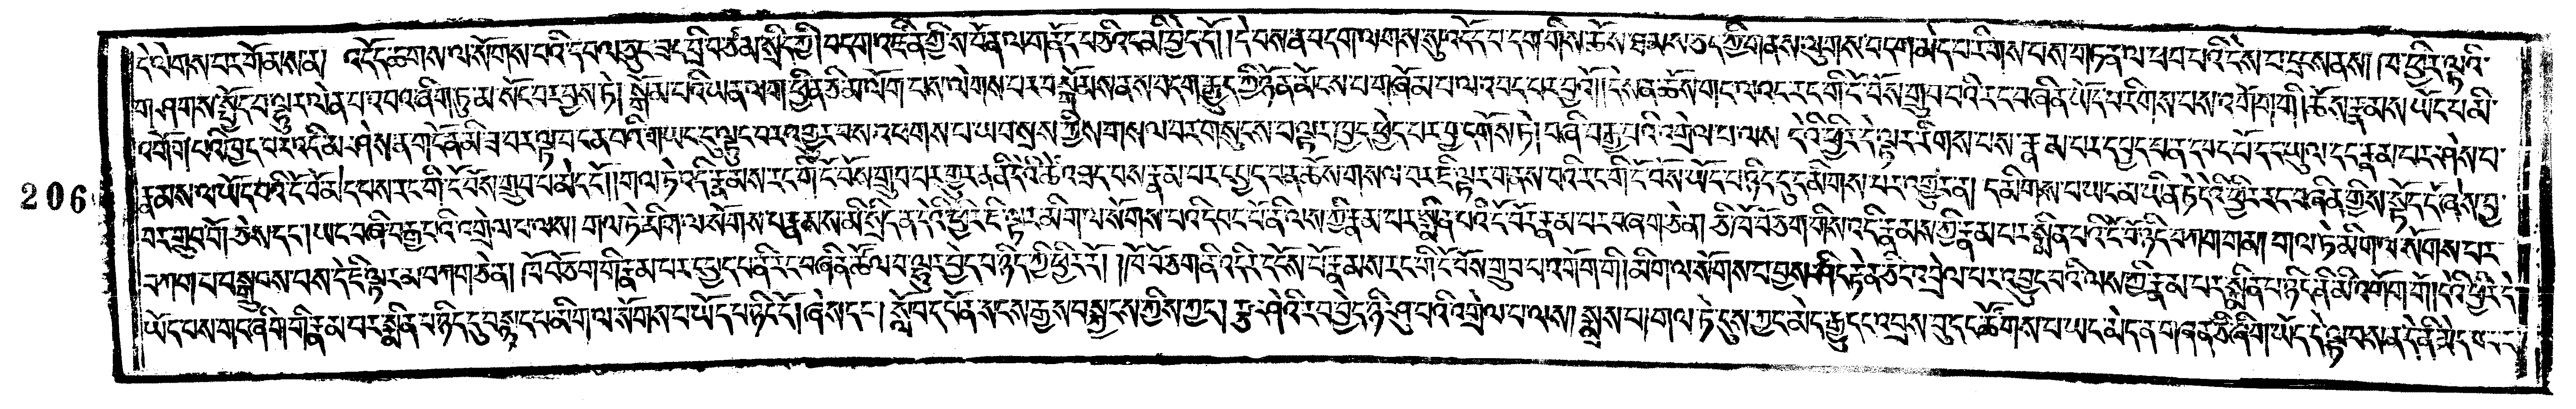དེ་ལེགས་པར་གོམས་ན། འདོད་ཆགས་ལ་སོགས་པའི་དབལ་ཅུང་ཟང་བྲི་བ་ཙམ་སྲིད་?་ཀྱི། བདག་འཛིན་གྱི་ས་བོན་ལ་གནོད་པ་ཅིའང་མི་བྱེད་དོ། །དེ་བས་ནི་བདག་ལགས་སུ་འདོད་པ་དག་གིས་ཆོས་ཐམས་ཅད་ཀྱི་གནས་ལུགས་བདག་མེད་པ་རིགས་པས་གཏན་ལ་ཕབ་བའི་ངེས་བ་དྲངས་ནས། ཁ་ཕྱིར་ལྟའི་
གཤགས་སྤྱོད་བ་ལྷུར་ལེན་པ་འབའ་ཞིག་ཏུ་མ་སོང་བར་བྱས་ཏེ། སྒོམ་པའི་ཡན་ལག་ཕྱིན་ཅི་མ་ལོག་པས་ལེགས་པར་བསྒོམས་ནས་བདག་རྒྱད་ཀྱི་ཉོན་མོངས་པ་གཞོམ་པ་ལ་འབད་པར་བྱའོ། །དེས་ན་ཆོས་གང་ལའང་རང་གི་ངོ་བོས་གྲུབ་བའི་རང་བཞིན་ཡོད་བ་རིགས་པས་འགོག་གི །ཆོས་རྣམས་ཡོད་པ་མི་
འགོག་པའི་ཁྱད་པར་འདི་མ་ཤེས་ན་གདོན་མི་ཟ་བར་ལྟ་བ་ངན་པའི་གཡང་དུ་ལྟུང་བར་འགྱུར་བས་འཕགས་པ་ཡབ་སྲས་ཀྱིས་གསལ་བར་གསུངས་བ་ལྟར་ཁྱད་ཕྱེད་པར་བྱ་དགོས་ཏེ། བཞི་བརྒྱ་པའི་འགྲེལ་པ་ལས་དེའི་ཕྱིར་དེ་ལྟར་རིགས་པས་རྣམ་པར་དཔྱད་པ་ན་དབང་པོ་དང་ཡུལ་དང་རྣམ་པར་ཤེས་པ་
རྣམས་ལ་ཡོད་པའི་ངོ་བོ་མེད་པས་རང་གི་ངོ་བོས་གྲུབ་པ་མེད་དོ། །གལ་ཏེ་འདི་རྣམས་རང་གི་ངོ་བོས་གྲུབ་པར་གྱུར་ན་ནི་དེའི་ཆོས་འཐད་པས་རྣམ་པར་དཔྱད་པ་ན་ཆེས་གསལ་བར་ཇི་ལྟར་གནས་བའི་རང་གི་ངོ་བོས་ཡོད་པ་ཉིད་དུ་དམིགས་པར་འགྱུར་ན། དམིགས་པ་ཡང་མ་ཡིན་ཏེ་དེའི་ཕྱིར་རང་བཞིན་གྱིས་སྟོད་དོ་ཞེས་བྱ་
བར་གྲུབ་བོ། ཅེས་དང་། ཡང་བཞི་བརྒྱ་བའི་འགྲེལ་པ་ལས། གལ་ཏེ་མིག་ལ་སོགས་པ་རྣམས་མི་སྲིད་ན་དེའི་ཕྱིར་ཇི་ལྟར་མིག་ལ་སོགས་པའི་དབང་པོ་ནི་ལས་ཀྱི་རྣམ་པར་སྨིན་པའི་ངོ་བོར་རྣམ་པར་གཞག་ཅེ་ན། ཅི་ཁོ་བོ་ཅག་གིས་འདི་རྣམས་ཀྱི་རྣམ་པར་སྨིན་པའི་ངོ་བོ་ཉིད་བཀག་གམ། གལ་ཏེ་མིག་ལ་སོགས་པར་
བཀག་པ་བསྒྲུབས་པས་དེ་ཇི་ལྟར་མ་བཀག་ཅེན། ཁོ་བོ་ཅག་གི་རྣམ་པར་དཔྱད་པ་ནི་རང་བཞིན་ཚོལ་བ་ལྷུར་བྱེད་པ་ཉིད་ཀྱི་ཕྱིར་རོ། །ཁོ་བོ་ཅག་ནི་འདིར་དངོས་པོ་རྣམས་རང་གི་ངོ་བོས་གྲུབ་པ་འགོག་གི། མིག་ལ་སོགས་པ་བྱས་ཤིང་རྟེན་ཅིང་འབྲེལ་པར་འབྱུང་བའི་ལས་གྱི་རྣམ་པར་སྨིན་པ་ཉིད་ནི་མི་འགོག་གོ། དེའི་ཕྱིར་དེ་
ཡོད་བས་གང་ཞིག་གི་རྣམ་པར་སྨིན་པ་ཉིད་དུ་བསྙད་པ་མིག་ལ་སོགས་པ་ཡོད་པ་ཉིད་དོ། ཞེས་དང་། སློབ་དཔོན་སངས་རྒྱས་བསྐྱངས་ཀྱིས་ཀྱང་། རྩ་ཤེའི་རབ་བྱེད་ཉི་ཤུ་པའི་འགྲེལ་བ་ལས། སྨྲས་པ། གལ་ཏེ་དུས་ཀྱང་མེད་རྒྱུ་དང་འབྲས་བུ་དང་ཚོགས་པ་ཡང་མེད་ན་གཞན་ཅི་ཞིག་ཡོད་དེ་ལྟ་བས་ན་དེ་ནི་མེད་པ་བར་?